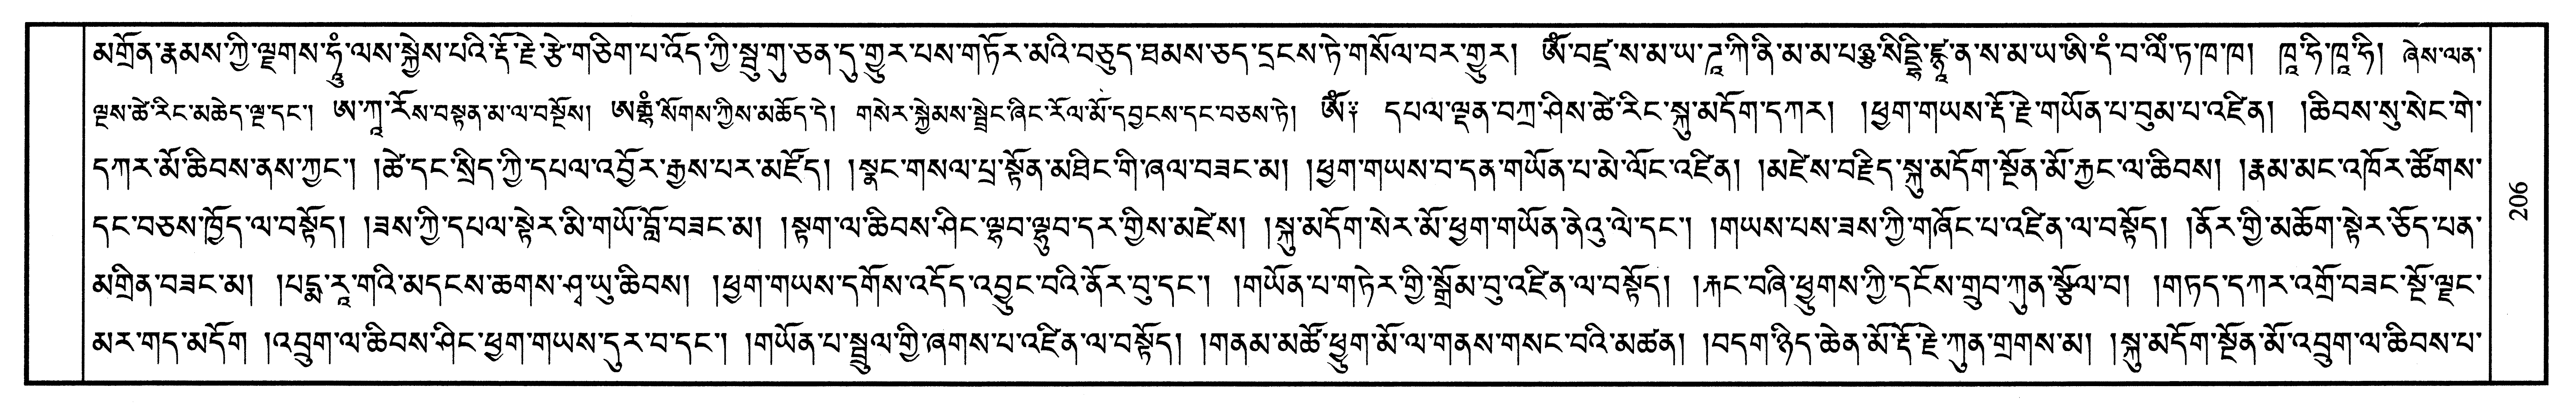མགྲོན་རྣམས་ཀྱི་ལྗགས་ཧཱུཾ་ལས་སྐྱེས་པའི་རྡོ་རྗེ་རྩེ་གཅིག་པ་འོད་ཀྱི་སྦུ་གུ་ཅན་དུ་གྱུར་པས་གཏོར་མའི་བཅུད་ཐམས་ཅད་དྲངས་ཏེ་གསོལ་བར་གྱུར། ཨོཾ་བཛྲ་ས་མ་ཡ་ཌཱ་ཀི་ནི་མ་མ་པཉྩ་སིདྡྷི་ཛྙཱ་ན་ས་མ་ཡ་ཨི་དཾ་བ་ལིཾ་ཏ་ཁ་ཁ། ཁཱ་ཧི་ཁཱ་ཧི། ཞེས་ལན་
ལྔས་ཚེ་རིང་མཆེད་ལྔ་དང་། ཨ་ཀཱ་རོས་བསྟན་མ་ལ་བསྔོས། ཨརྒྷཾ་སོགས་ཀྱིས་མཆོད་དེ། གསེར་སྐྱེམས་སྦྲེང་ཞིང་རོལ་མོ་དབྱངས་དང་བཅས་ཏེ། ཨོཾ། དཔལ་ལྡན་བཀྲ་ཤིས་ཚེ་རིང་སྐུ་མདོག་དཀར། །ཕྱག་གཡས་རྡོ་རྗེ་གཡོན་པ་བུམ་པ་འཛིན། །ཆིབས་སུ་སེང་གེ་
དཀར་མོ་ཆིབས་ནས་ཀྱང་། །ཚེ་དང་སྲིད་ཀྱི་དཔལ་འབྱོར་རྒྱས་པར་མཛོད། །སྣང་གསལ་པྲ་སྟོན་མཐིང་གི་ཞལ་བཟང་མ། །ཕྱག་གཡས་བ་དན་གཡོན་པ་མེ་ལོང་འཛིན། །མཛེས་བརྗིད་སྐུ་མདོག་སྔོན་མོ་རྐྱང་ལ་ཆིབས། །རྣམ་མང་འཁོར་ཚོགས་
དང་བཅས་ཁྱོད་ལ་བསྟོད། །ཟས་ཀྱི་དཔལ་སྟེར་མི་གཡོ་བློ་བཟང་མ། །སྟག་ལ་ཆིབས་ཤིང་ལྷབ་ལྷུབ་དར་གྱིས་མཛེས། །སྐུ་མདོག་སེར་མོ་ཕྱག་གཡོན་ནེའུ་ལེ་དང་། །གཡས་པས་ཟས་ཀྱི་གཞོང་པ་འཛིན་ལ་བསྟོད། །ནོར་གྱི་མཆོག་སྟེར་ཅོད་པན་
མགྲིན་བཟང་མ། །པདམ་རཱ་གའི་མདངས་ཆགས་ཤྭ་ཡུ་ཆིབས། །ཕྱག་གཡས་དགོས་འདོད་འབྱུང་བའི་ནོར་བུ་དང་། །གཡོན་པ་གཏེར་གྱི་སྒྲོམ་བུ་འཛིན་ལ་བསྟོད། །རྐང་བཞི་ཕྱུགས་ཀྱི་དངོས་གྲུབ་ཀུན་སྩོལ་བ། །གཏད་དཀར་འགྲོ་བཟང་སྔོ་ལྗང་
མར་གད་མདོག །འབྲུག་ལ་ཆིབས་ཤིང་ཕྱག་གཡས་དུར་བ་དང་། །གཡོན་པ་སྤྲུལ་གྱི་ཞགས་པ་འཛིན་ལ་བསྟོད། །གནམ་མཚོ་ཕྱུག་མོ་ལ་གནས་གསང་བའི་མཚན། །བདག་ཉིད་ཆེན་མོ་རྡོ་རྗེ་ཀུན་གྲགས་མ། །སྐུ་མདོག་སྔོན་མོ་འབྲུག་ལ་ཆིབས་པ་